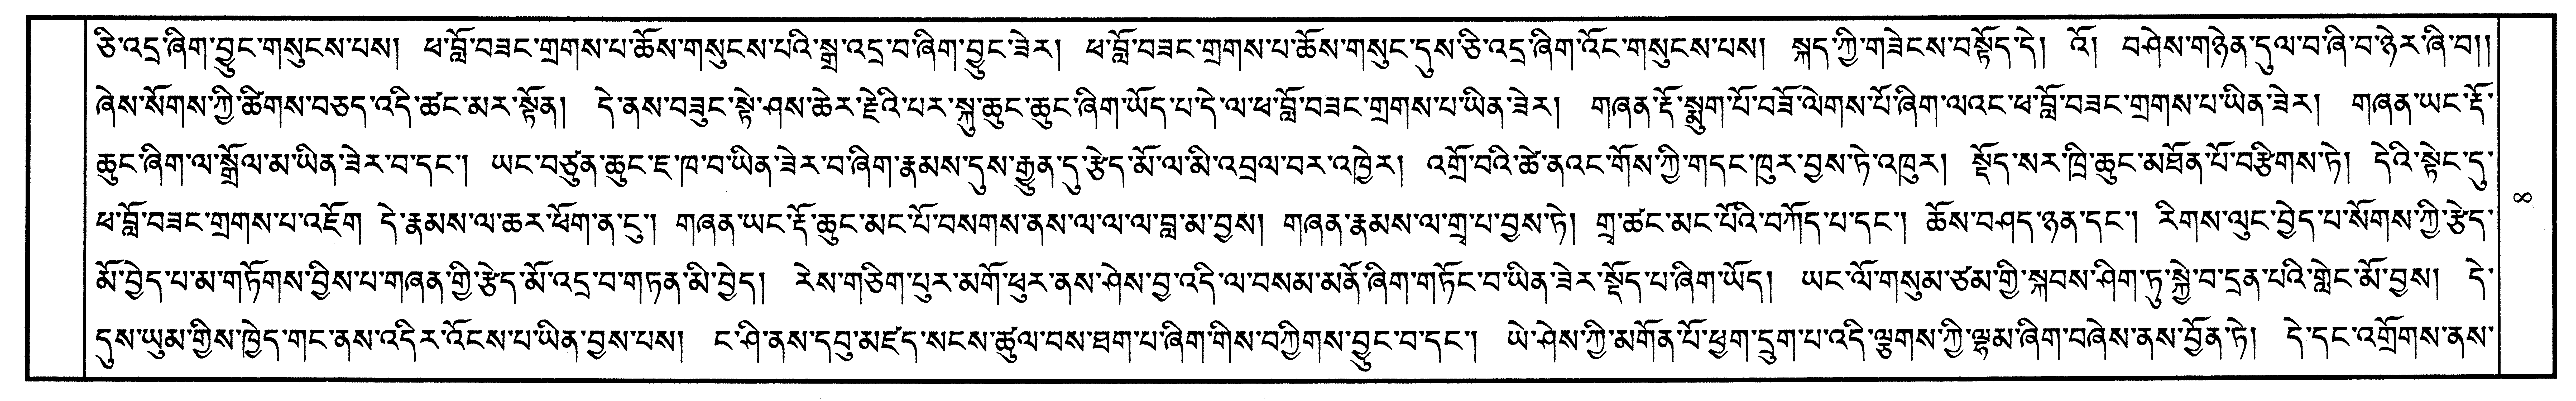ཅི་འདྲ་ཞིག་བྱུང་གསུངས་པས། ཕ་བློ་བཟང་གྲགས་པ་ཆོས་གསུངས་པའི་སྒྲ་འདྲ་བ་ཞིག་བྱུང་ཟེར། ཕ་བློ་བཟང་གྲགས་པ་ཆོས་གསུང་དུས་ཅི་འདྲ་ཞིག་འོང་གསུངས་པས། སྐད་ཀྱི་གཟེངས་བསྟོད་དེ། འོ། བཤེས་གཉེན་དུལ་བ་ཞི་བ་ཉེར་ཞི་བ།
ཞེས་སོགས་ཀྱི་ཚིགས་བཅད་འདི་ཚང་མར་སྟོན། དེ་ནས་བཟུང་སྟེ་ཤས་ཆེར་རྗེའི་པར་སྐུ་ཆུང་ཆུང་ཞིག་ཡོད་པ་དེ་ལ་ཕ་བློ་བཟང་གྲགས་པ་ཡིན་ཟེར། །གཞན་རྡོ་སྨུག་པོ་བཟོ་ལེགས་པོ་ཞིག་ལའང་ཕ་བློ་བཟང་གྲགས་པ་ཡིན་ཟེར། གཞན་ཡང་རྡོ་
ཆུང་ཞིག་ལ་སྒྲོལ་མ་ཡིན་ཟེར་བ་དང་། ཡང་བཙུན་ཆུང་ཇ་ཁ་བ་ཡིན་ཟེར་བ་ཞིག་རྣམས་དུས་རྒྱུན་དུ་རྩེད་མོ་ལ་མི་འབྲལ་བར་འཁྱེར། འགྲོ་བའི་ཚེ་ནའང་གོས་ཀྱི་གདང་ཁུར་བྱས་ཏེ་འཁུར། སྡོད་སར་ཁྲི་ཆུང་མཐོན་པོ་བརྩིགས་ཏེ། དེའི་སྟེང་དུ་
ཕ་བློ་བཟང་གྲགས་པ་འཇོག །དེ་རྣམས་ལ་ཆར་ཕོག་ན་ངུ། གཞན་ཡང་རྡོ་ཆུང་མང་པོ་བསགས་ནས་ལ་ལ་ལ་བླ་མ་བྱས། གཞན་རྣམས་ལ་གྲྭ་པ་བྱས་ཏེ། གྲྭ་ཚང་མང་པོའི་བཀོད་པ་དང་། ཆོས་བཤད་ཉན་དང་། རིགས་ལུང་བྱེད་པ་སོགས་ཀྱི་རྩེད་
མོ་བྱེད་པ་མ་གཏོགས་བྱིས་པ་གཞན་གྱི་རྩེད་མོ་འདྲ་བ་གཏན་མི་བྱེད། རེས་གཅིག་པུར་མགོ་ཕུར་ནས་ཤེས་བྱ་འདི་ལ་བསམ་མནོ་ཞིག་གཏོང་བ་ཡིན་ཟེར་སྡོད་པ་ཞིག་ཡོད། ཡང་ལོ་གསུམ་ཙམ་གྱི་སྐབས་ཤིག་ཏུ་སྐྱེ་བ་དྲན་པའི་གླེང་མོ་བྱས། དེ་
དུས་ཡུམ་གྱིས་ཁྱེད་གང་ནས་འདིར་འོངས་པ་ཡིན་བྱས་པས། ང་ཤི་ནས་དབུ་མཛད་སངས་ཚུལ་བས་ཐག་པ་ཞིག་གིས་བཀྱིགས་བྱུང་བ་དང་། ཡེ་ཤེས་ཀྱི་མགོན་པོ་ཕྱག་དྲུག་པ་འདི་ལྕགས་ཀྱི་ལྷམ་ཞིག་བཞེས་ནས་བྱོན་ཏེ། དེ་དང་འགྲོགས་ནས་